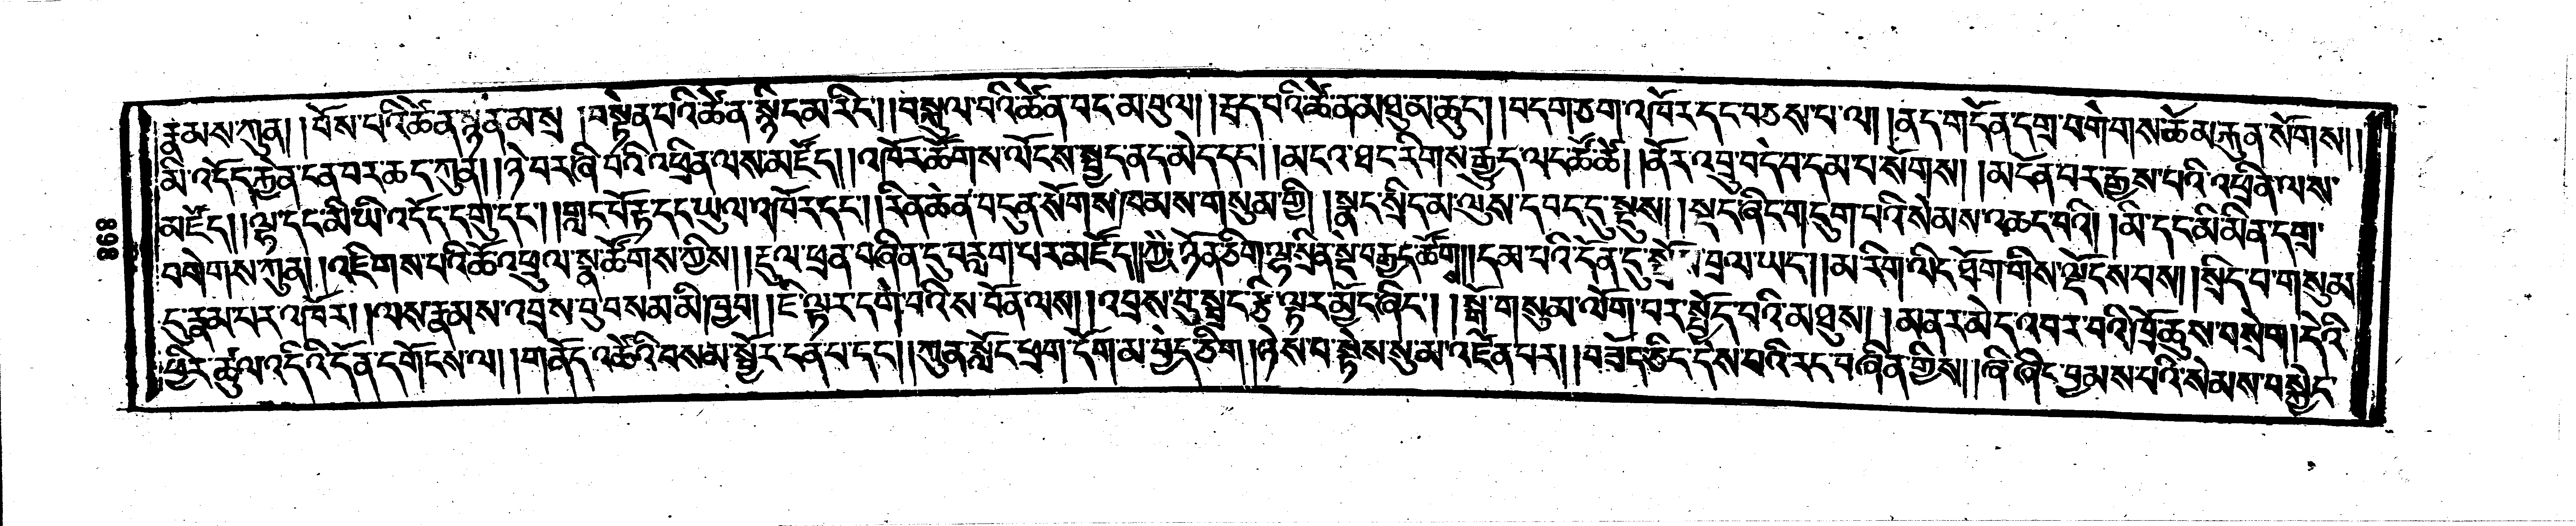རྣམས་ཀུན། །བོས་པའི་ཚེ་ན་སྙན་མ་སྲ། །བསྟེན་པའི་ཚེ་ན་སྙིང་མ་རིང་། །བསྐུལ་བའི་ཚེ་ན་བང་མ་བུལ། །རྦད་པའི་ཚེ་ན་མཐུ་མ་ཆུང་། །བདག་ཅག་འཁོར་དང་བཅས་པ་ལ། །ནད་གདོན་དགྲ་བགེགས་ཆོམ་རྐུན་སོགས།།
མི་འདོད་རྐྱེན་ངན་བར་ཆད་ཀུན། །ཉེ་བར་ཞི་བའི་འཕྲིན་ལས་མཛོད། །འཁོར་ཚོགས་ལོངས་སྤྱད་ནད་མེད་དང་། །མངའ་ཐང་རིགས་རྒྱུད་ལང་ཚོ་ཚེ། །ནོར་འབྲུ་བདེ་བ་དམ་པ་སོགས། །མངོན་པར་རྒྱས་པའི་འཕྲིན་ལས་
མཛོད། །ལྷ་དང་མི་ཡི་འདོད་དགུ་དང་། །གླང་པོ་རྟ་དང་ཡུལ་འཁོར་དང་། །རིན་ཆེན་བདུན་སོགས་ཁམས་གསུམ་གྱི། །སྣང་སྲིད་མ་ལུས་དབང་དུ་སྡུས། །སྡང་ཞིང་གདུག་པའི་སེམས་འཆང་བའི། །མི་དང་མི་མིན་དགྲ་
བགེགས་ཀུན། །འཇིགས་པའི་ཆོ་འཕྲུལ་སྣ་ཚོགས་ཀྱིས། །རྡུལ་ཕྲན་བཞིན་དུ་བརླག་པར་མཛོད། །ཀྱཻ༑ ཉོན་ཅིག་ལྷ་སྲིན་སྡེ་བརྒྱད་ཚོགས། །དམ་པའི་དོན་དུ་སྤྲོས་བྲལ་ཡང་། །མ་རིག་ལིང་ཐོག་གིས་ལྡོངས་པས། །སྲིད་པ་གསུམ་
དུ་རྣམ་པར་འཁོར། །ལས་རྣམས་འབྲས་བུ་བསམ་མི་ཁྱབ། །ཇི་ལྟར་དགེ་བའི་ས་བོན་ལས། །འབྲས་བུ་སྦྲང་རྩི་ལྟར་མྱོང་ཞིང་། །སྒོ་གསུམ་ལོག་པར་སྤྱོད་པའི་མཐུས། །མནར་མེད་འབར་བའི་ཁྲོ་ཆུས་བསྲེག །དེའི་
ཕྱིར་ཚུལ་འདིའི་དོན་དགོངས་ལ། །གནོད་འཚེའི་བསམ་སྦྱོར་ངན་པ་དང་། །ཀུན་སློང་ཕྲག་དོག་མ་བྱེད་ཅིག །ཉེས་པ་སྟེས་སུ་མ་འཛིན་པར། །བཟོད་ཅིང་དེས་པའི་རང་བཞིན་གྱིས། །ཞི་ཞིང་བྱམས་པའི་སེམས་བསྐྱེད་